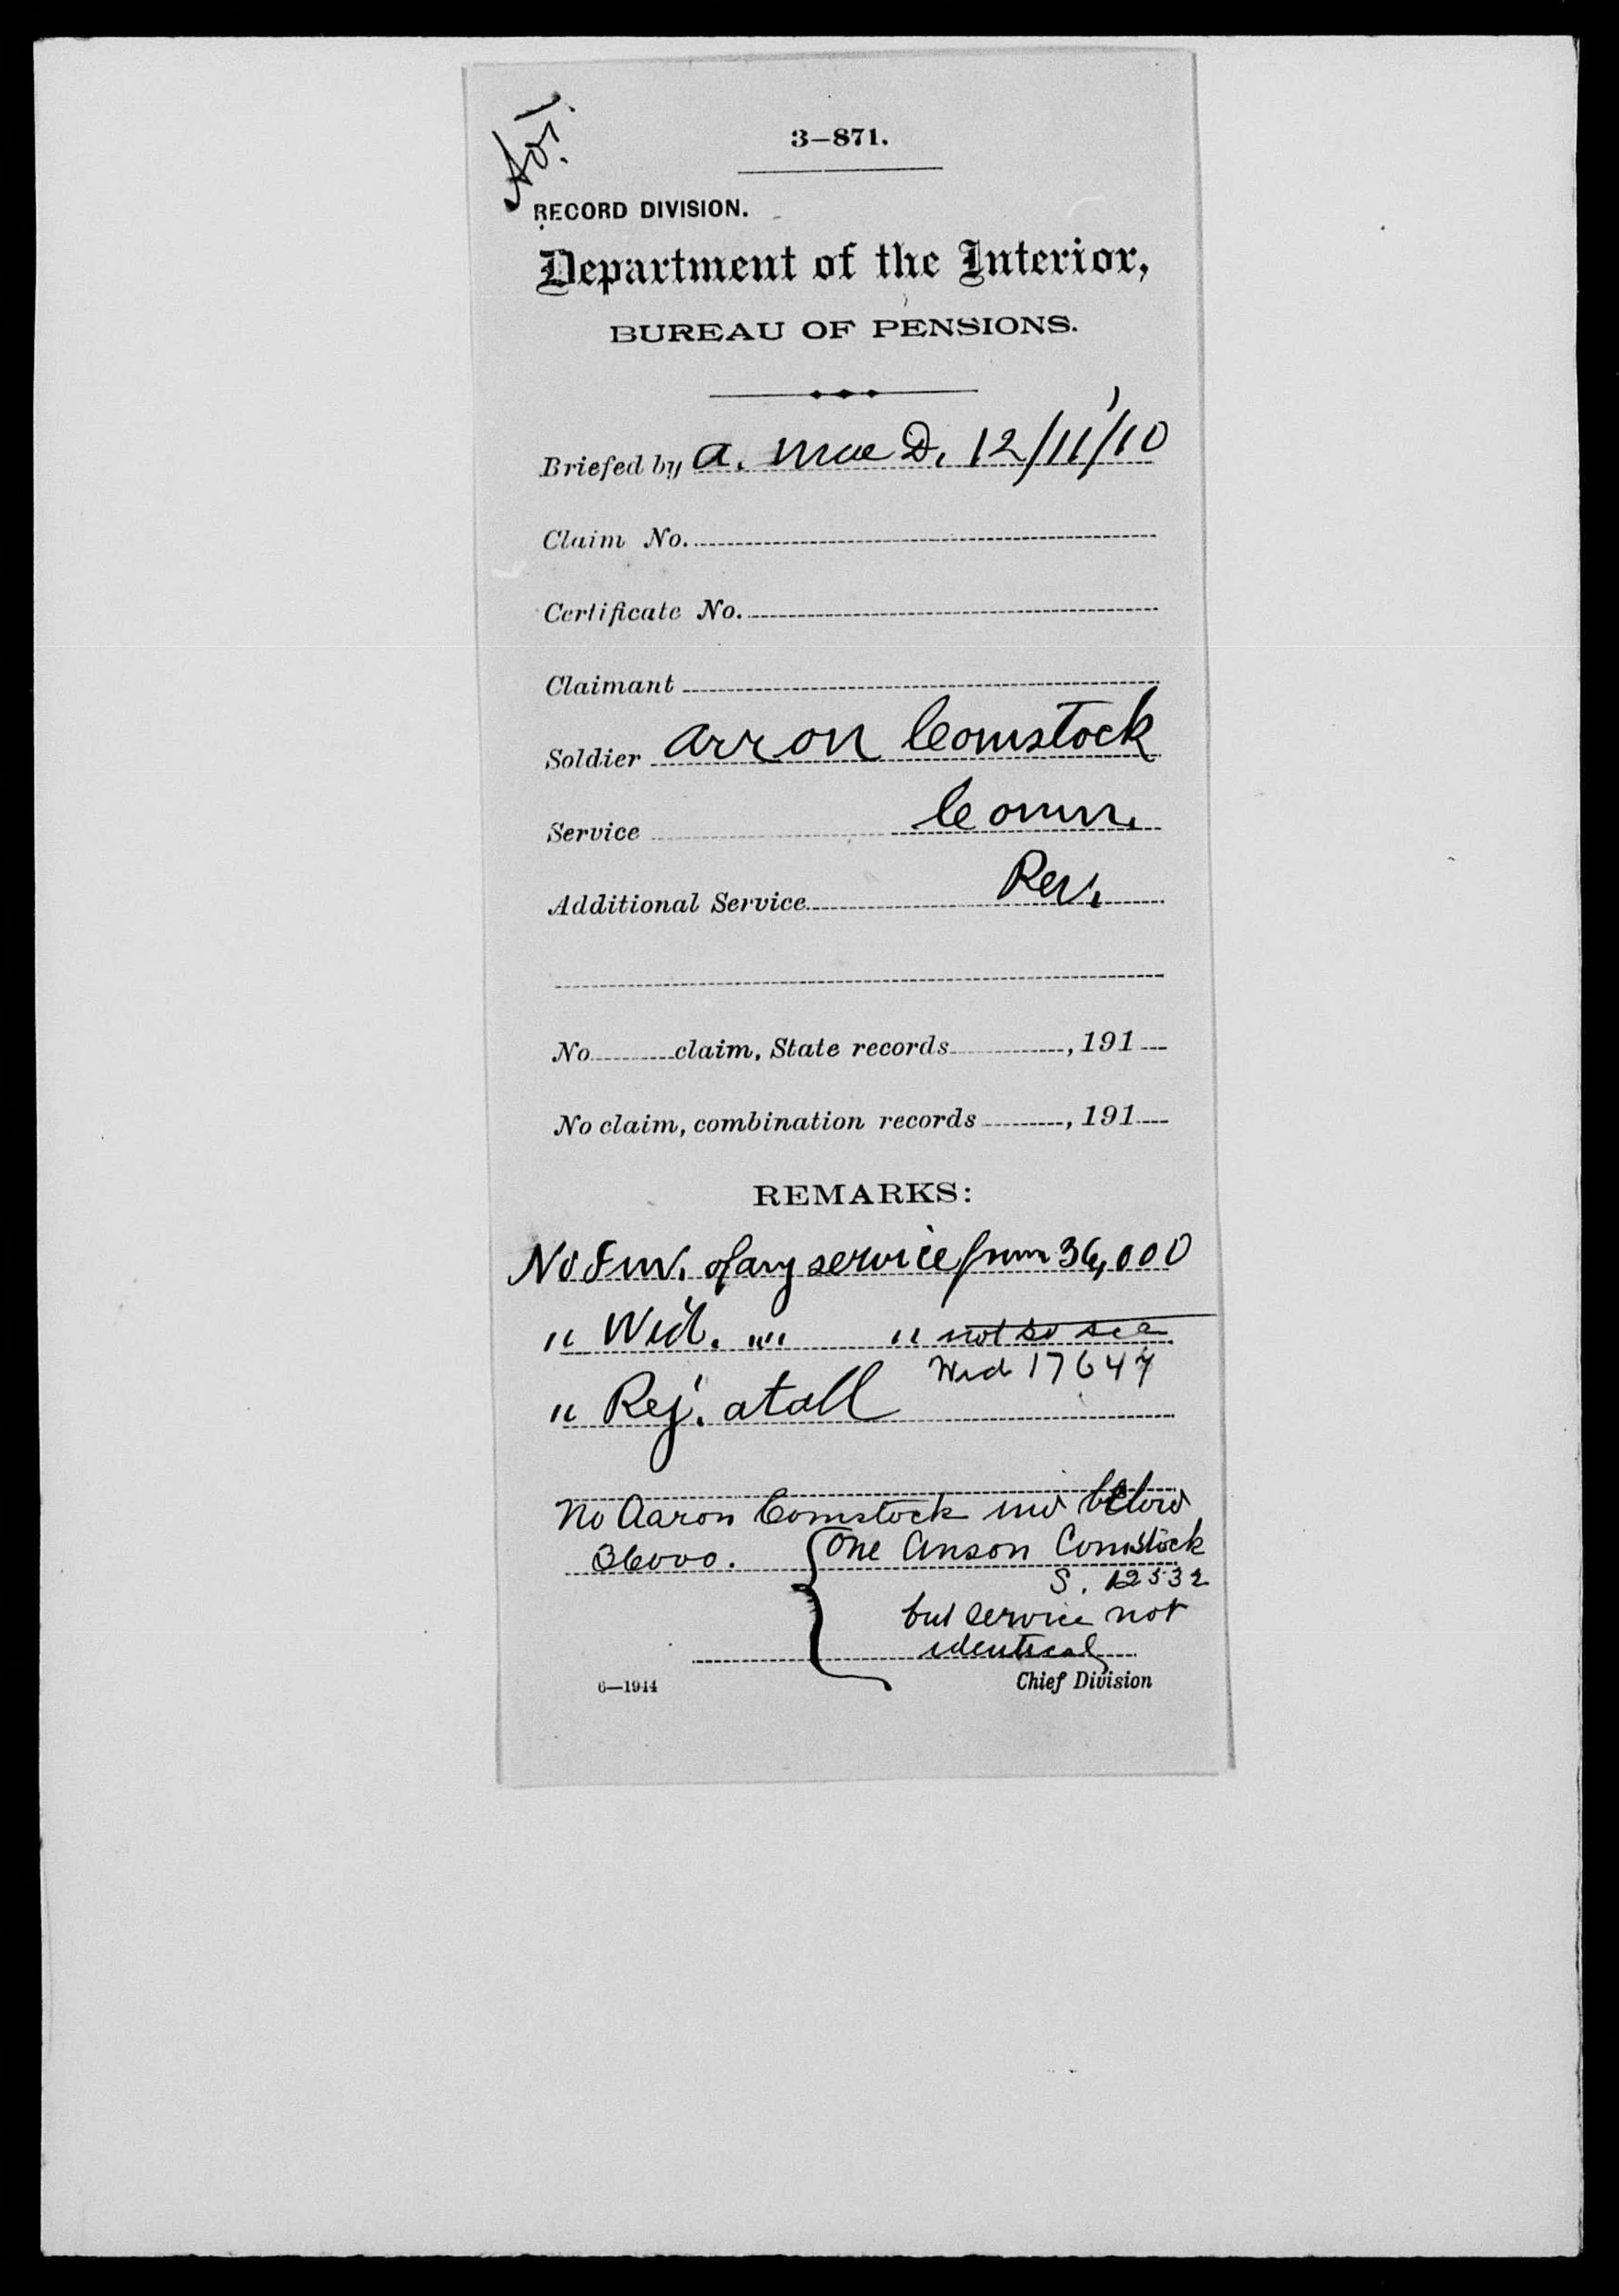3-871
Ao.
RECORD DIVISION.
Department of the Interior,
BUREAU OF PENSIONS.

Briefed by A. [illegible] D. 12/11/'10
Claim No.
Certificate No.
Claimant
Soldier Arron Comstock
Service Conn.
Additional Service Rev.

No  claim, State records  , 191
No claim, combination records  , 191

REMARKS:
No Fm. of any service from 36, 000
" Wid. "" " not [illegible] see
" Regt. at all Wid 17647

No Aaron Comstock [illegible]
[illegible]. One Anson Comstock
S. 12532
but service not
identical
6-1914  Chief Division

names: Anson Comstock, Aaron Comstock, Aaron Comstock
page: 16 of 43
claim: widow's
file: W. 17,647, Aaron Comstock, Conn.